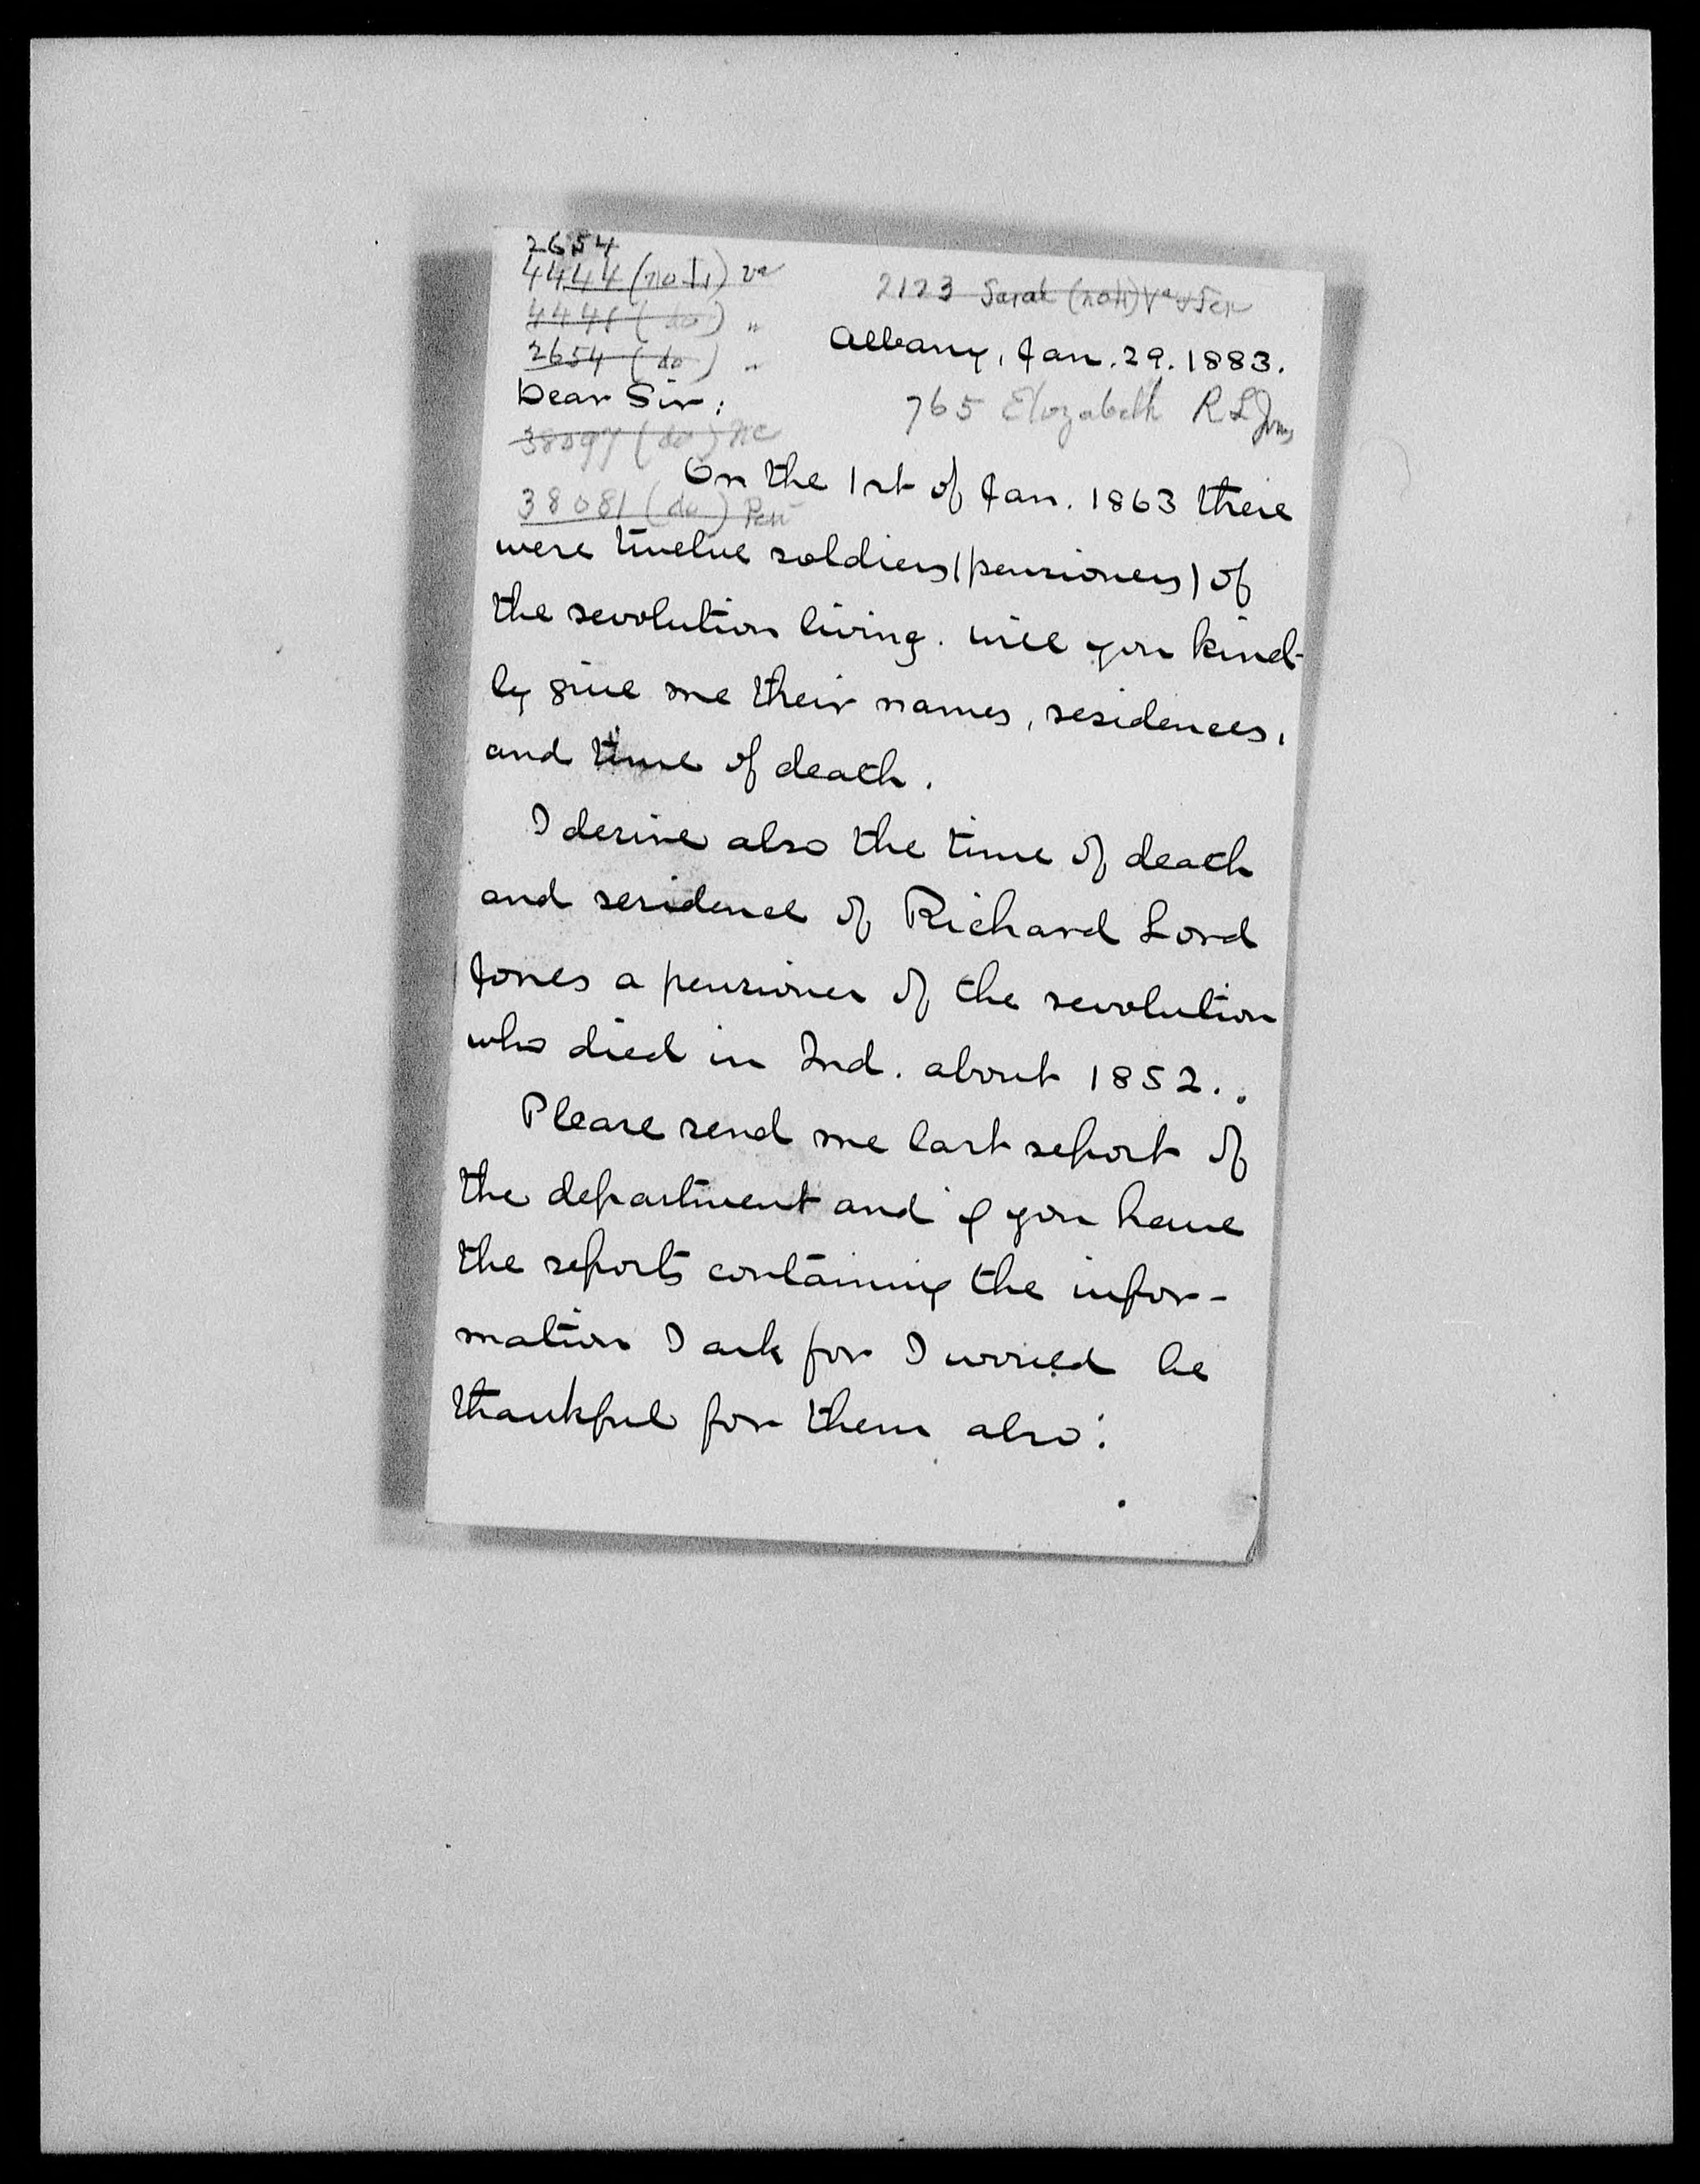Number series Handwritten in pencil at top: and all lines are crossed out except the last
2654
444 (no Is) Va
4448 (do) "
2534 (do) "
38097 (do) NC
38981 (so) Pen
2123 Sarah (noH) Vatfer
765 Elizabeth RLJvms


Albany, Jan. 29, 1883
Dear Sir:
On the 1st of Jan. 1863 there
were twelve soldier pensioner) of
the revolution living, will you kindly give me  their names, residences.
and time of death.
I desire also the time of death
and residence of Richard Lord
Jones a pensioner of the revolution
who died in and about 1852.
Please send me last report of
the department and if you have
the reports containing the information
I ask for I would be
thankful for them also:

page: 60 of 62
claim: widow's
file: W. 765, for Richard L Jones, Connecticut